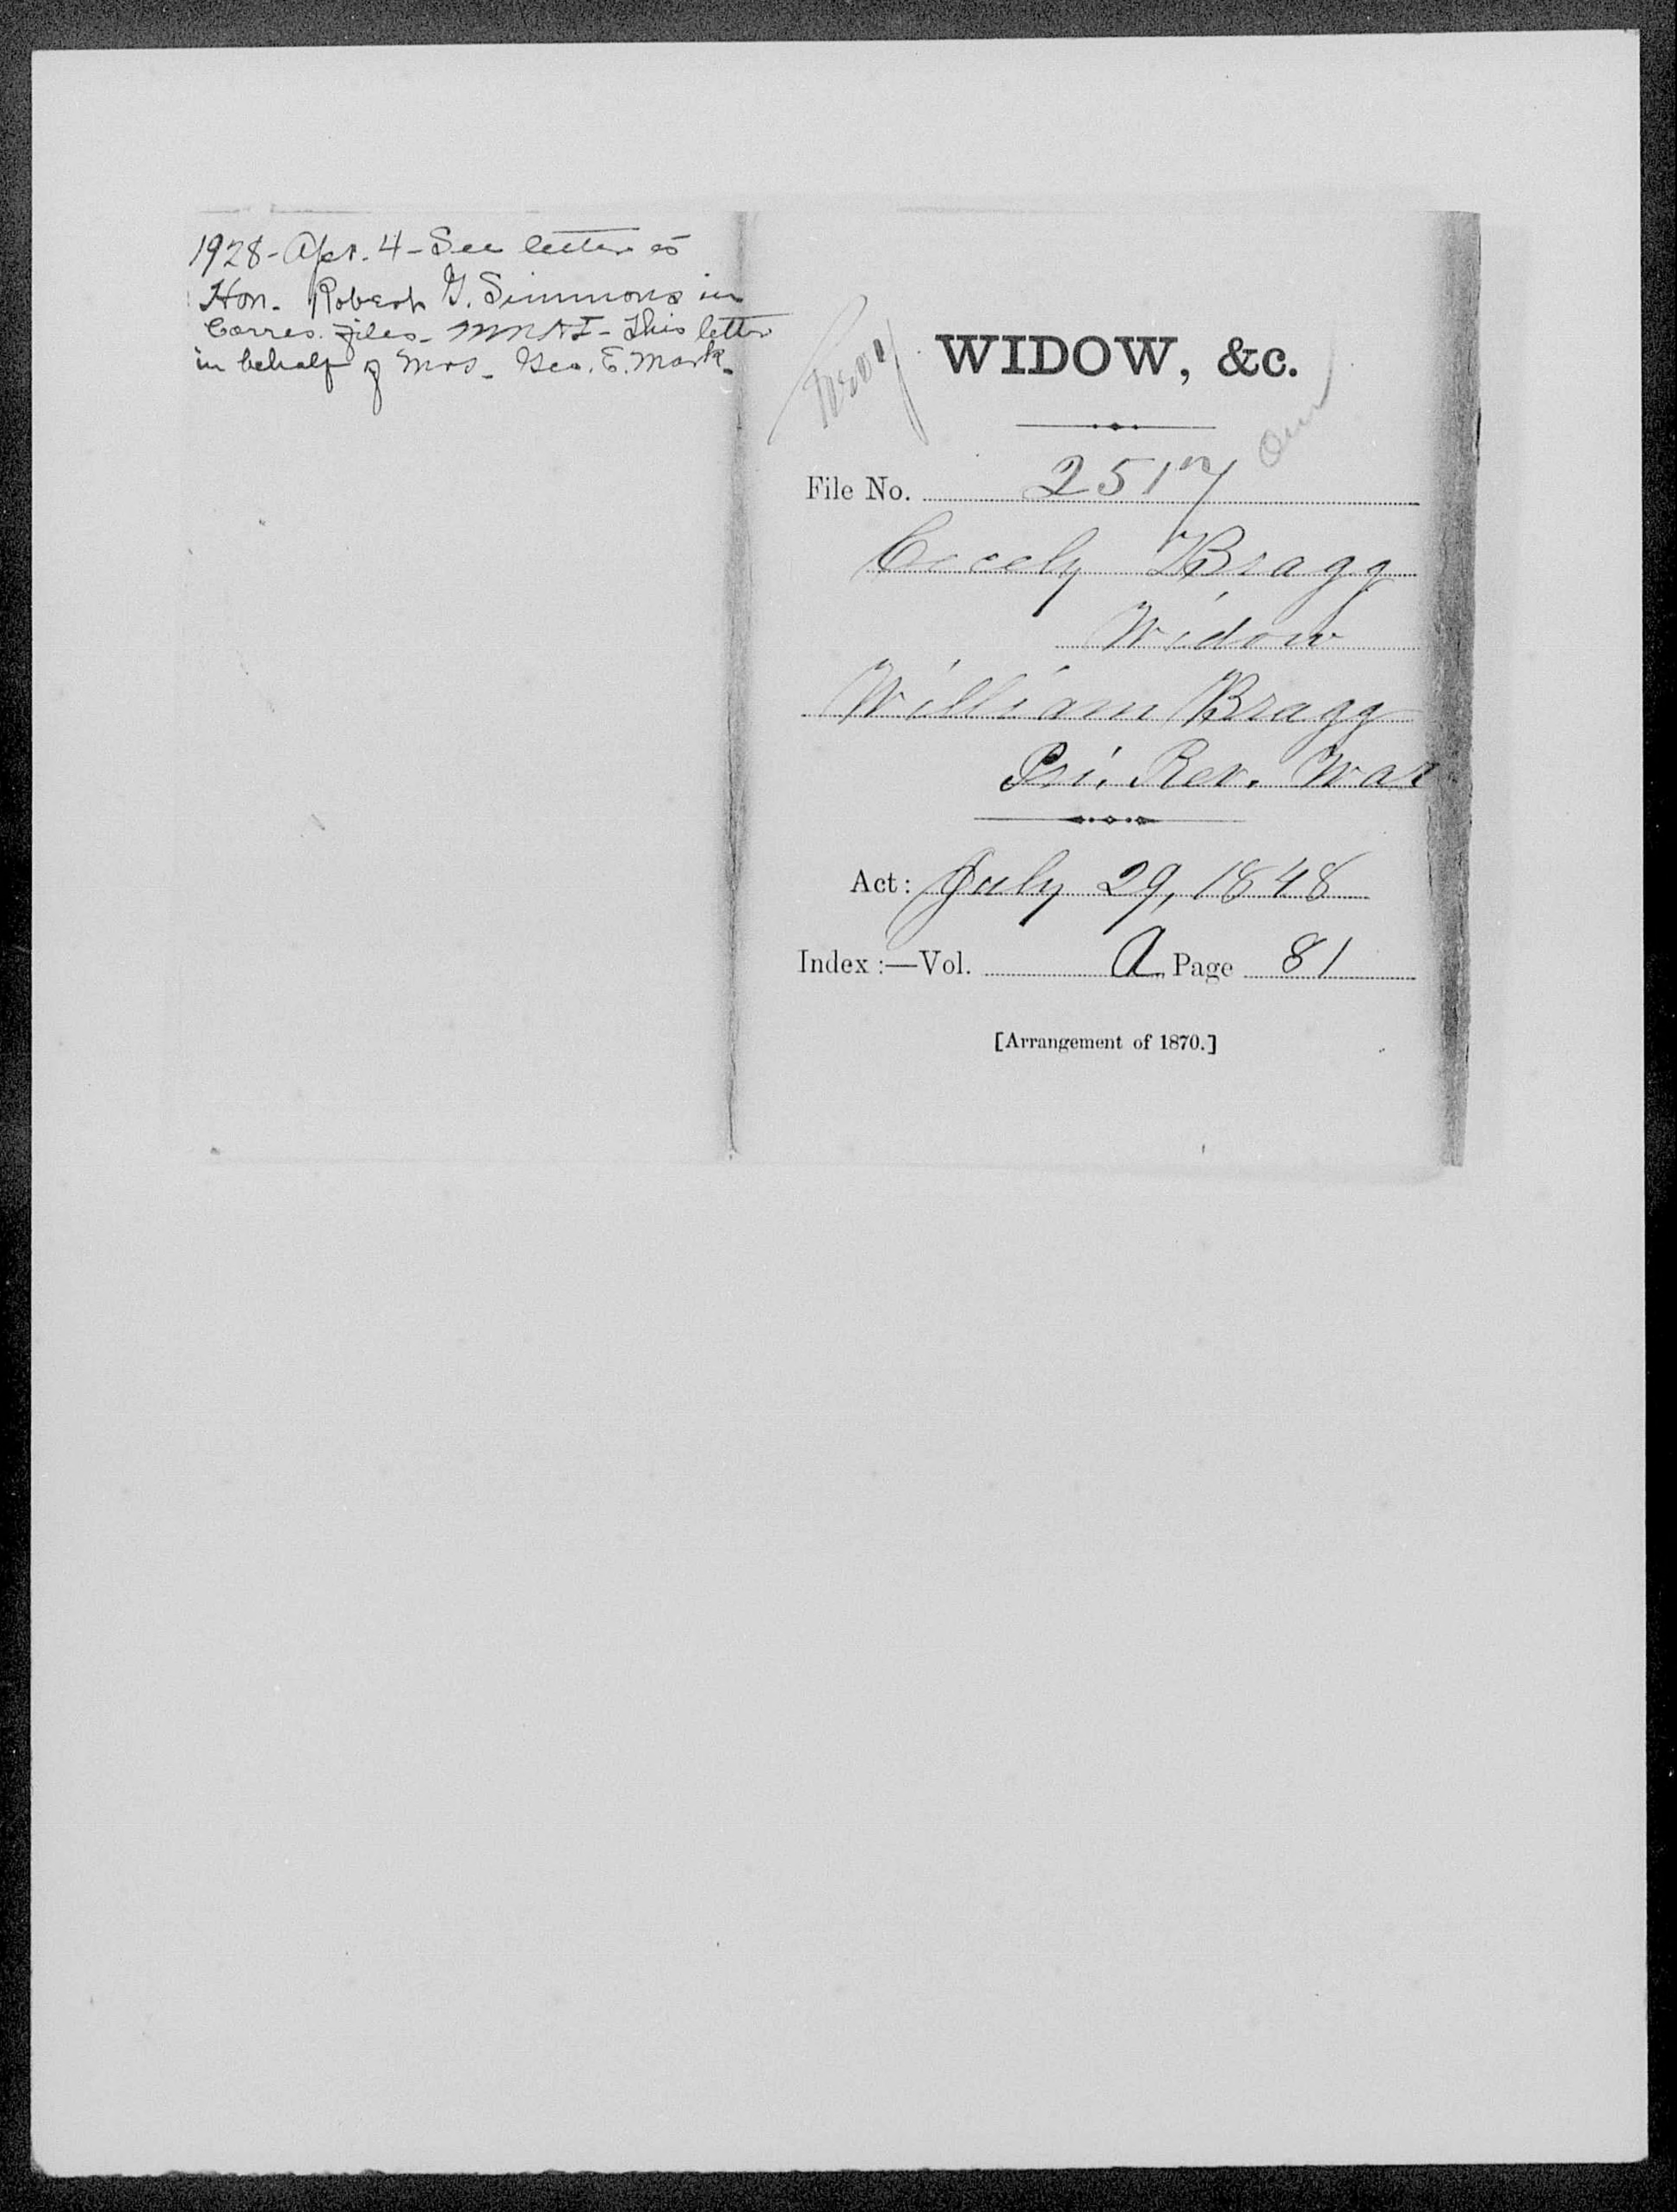[typed form, with handwritten responses]

[left side] 1928 – Apr. 4 – See letter to Hon. Robert G. Simmons in Corres. [Corresponding] Files [Illegible initials] This letter in behalf of Mrs. Geo. E. Mark

[right side] Revy WIDOW, &c.

File No. 2517 Own
Cecely Bragg
Widow
William Bragg
Pri. [Private] Rev. War

Act: July 29, 1848
Index: - Vol. A, Page 81

[Arrangement of 1870.]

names: Robert G Simmons, Geo E Mark, William Bragg, Cecely Bragg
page: 15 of 19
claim: widow's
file: W. 2517, William Bragg, Va.